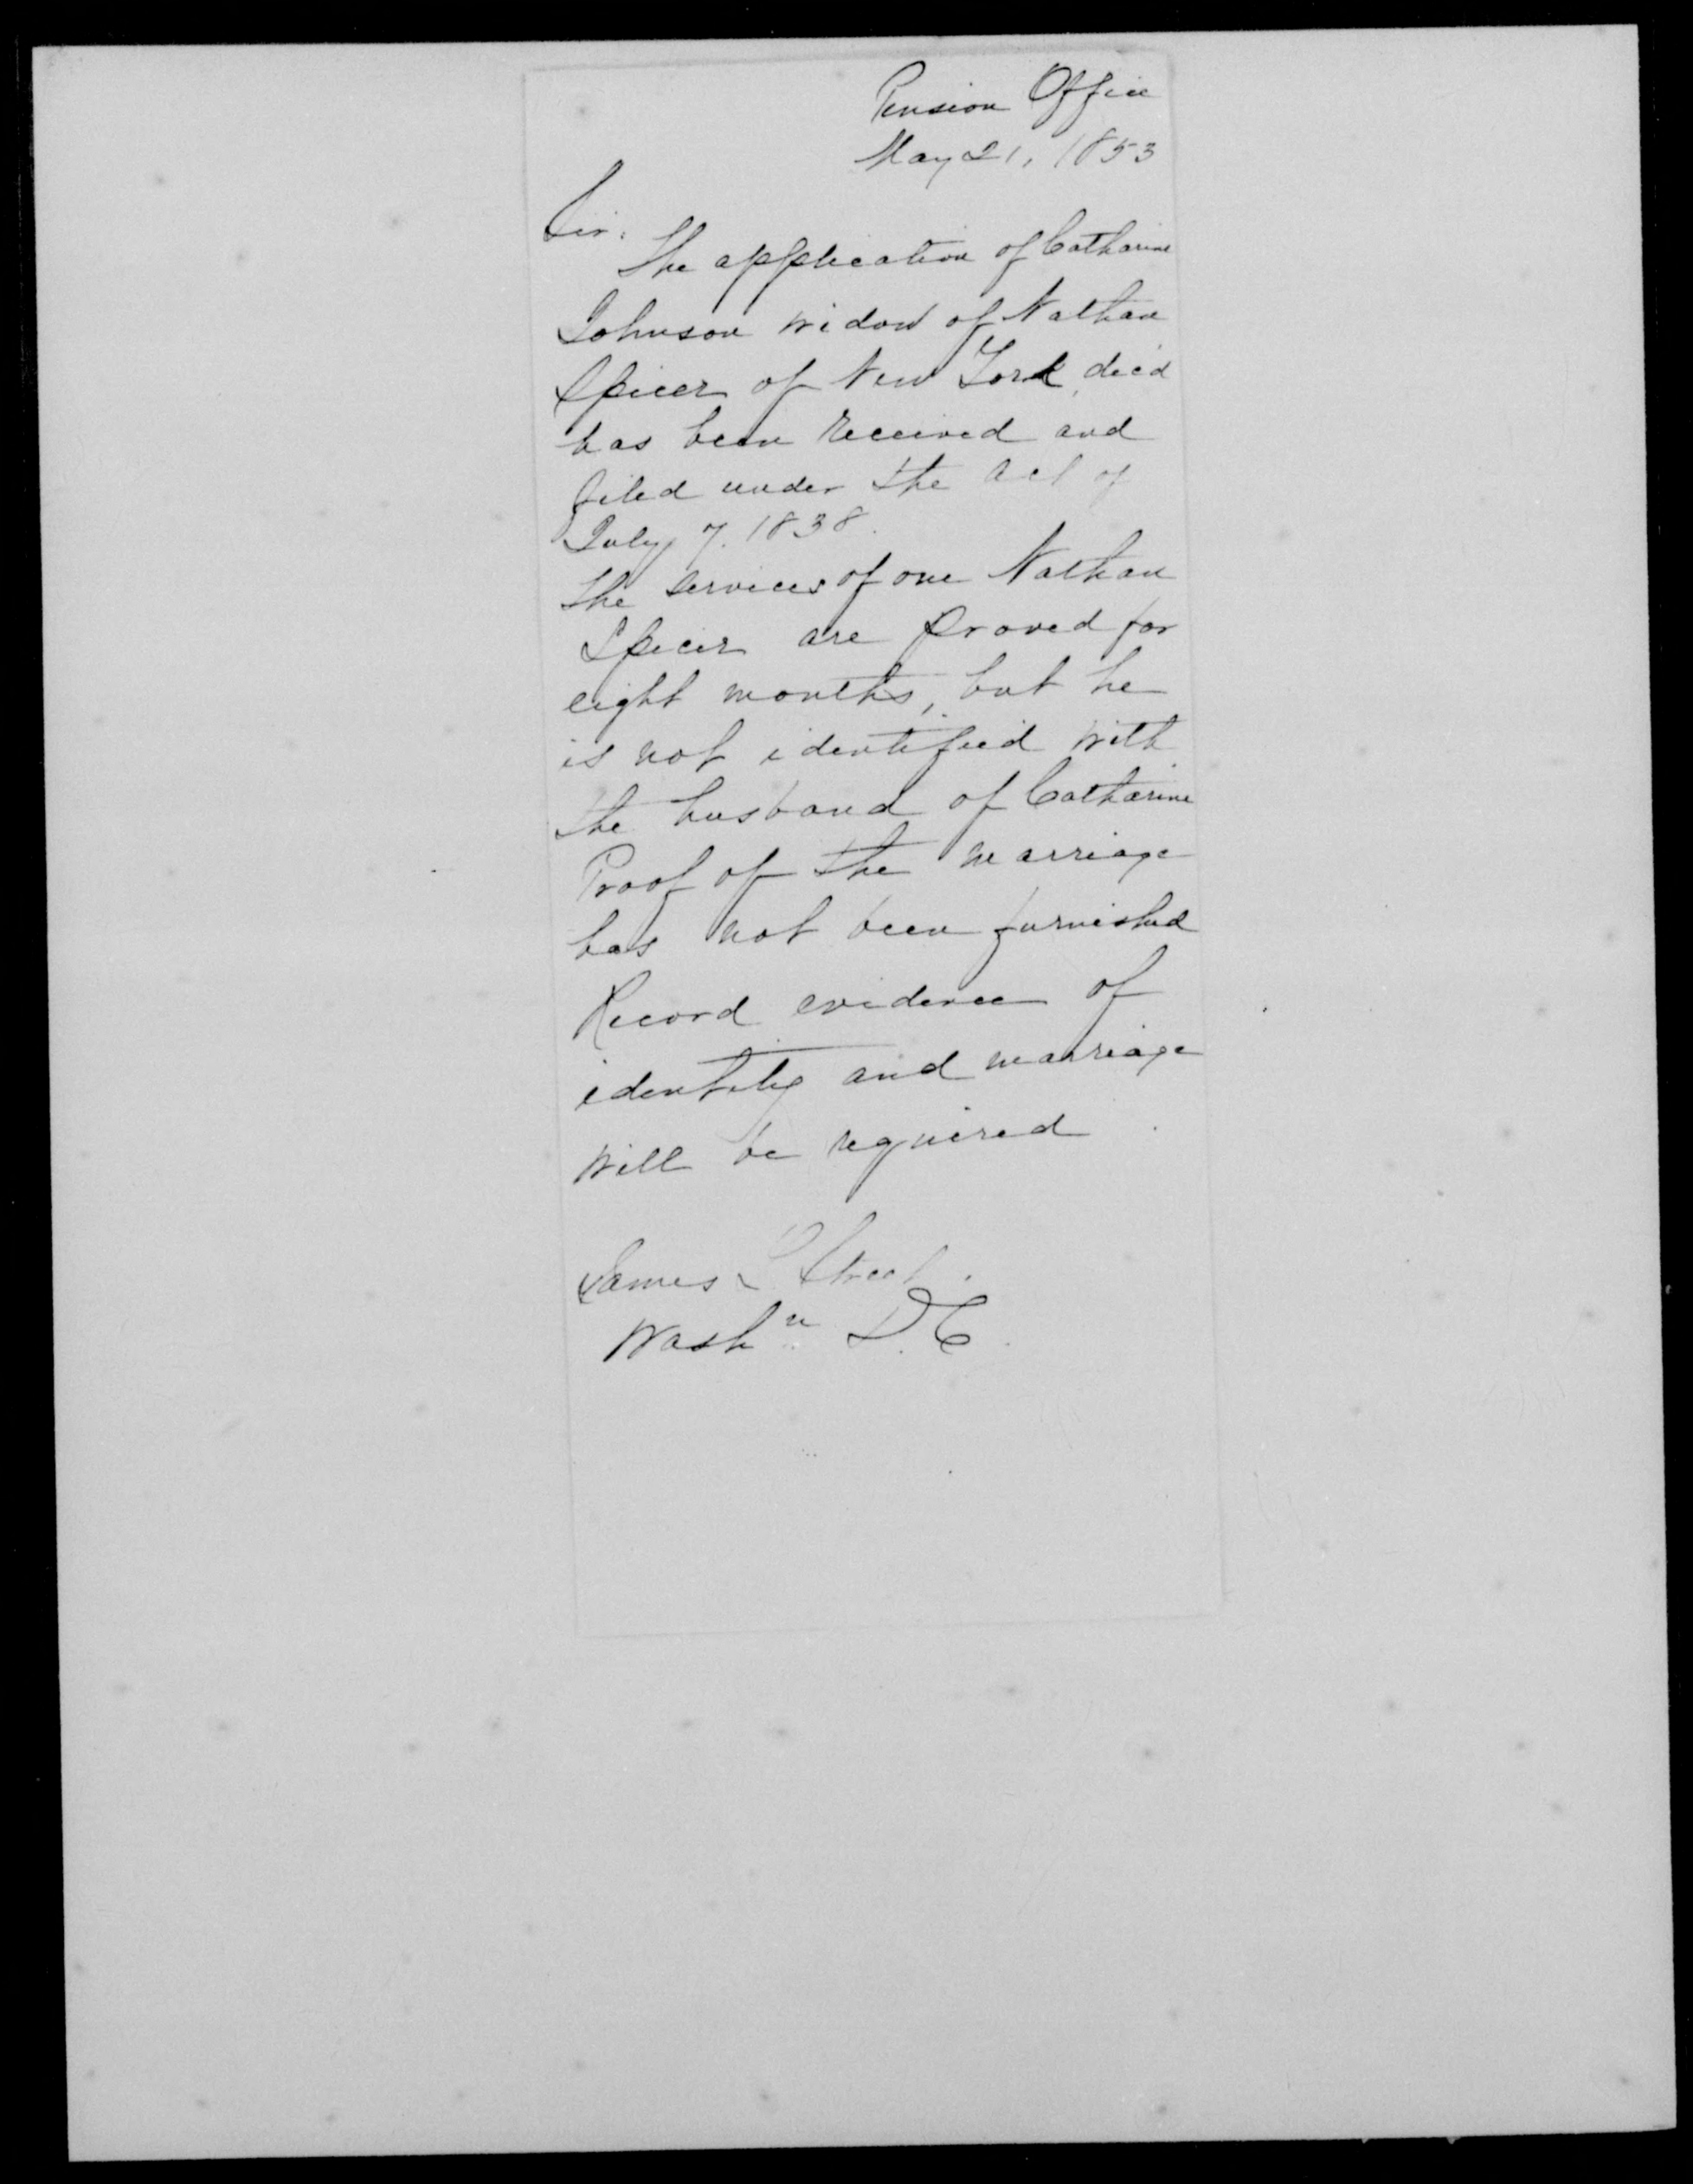Pension Office
May 21, 1853
Sir,
The application of Catharine Johnson widow of Nathan Spicer of New York, decd has been received and filed under the act of July 7, 1838.
The services of one Nathan Spicer are proved for eight months, but he is not identified with the husband of Catharine. Proof of the marriage has not been furnished. Record evidence of identity and marriage will be required. 
James L. Street
Wash D.C.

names: Catharine Johnson; Nathan Spicer; Catharine [BLANK]; James L Street; Nathan Spicer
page: 9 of 33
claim: rejected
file: R. 5603, for Nathan Spicer, New York